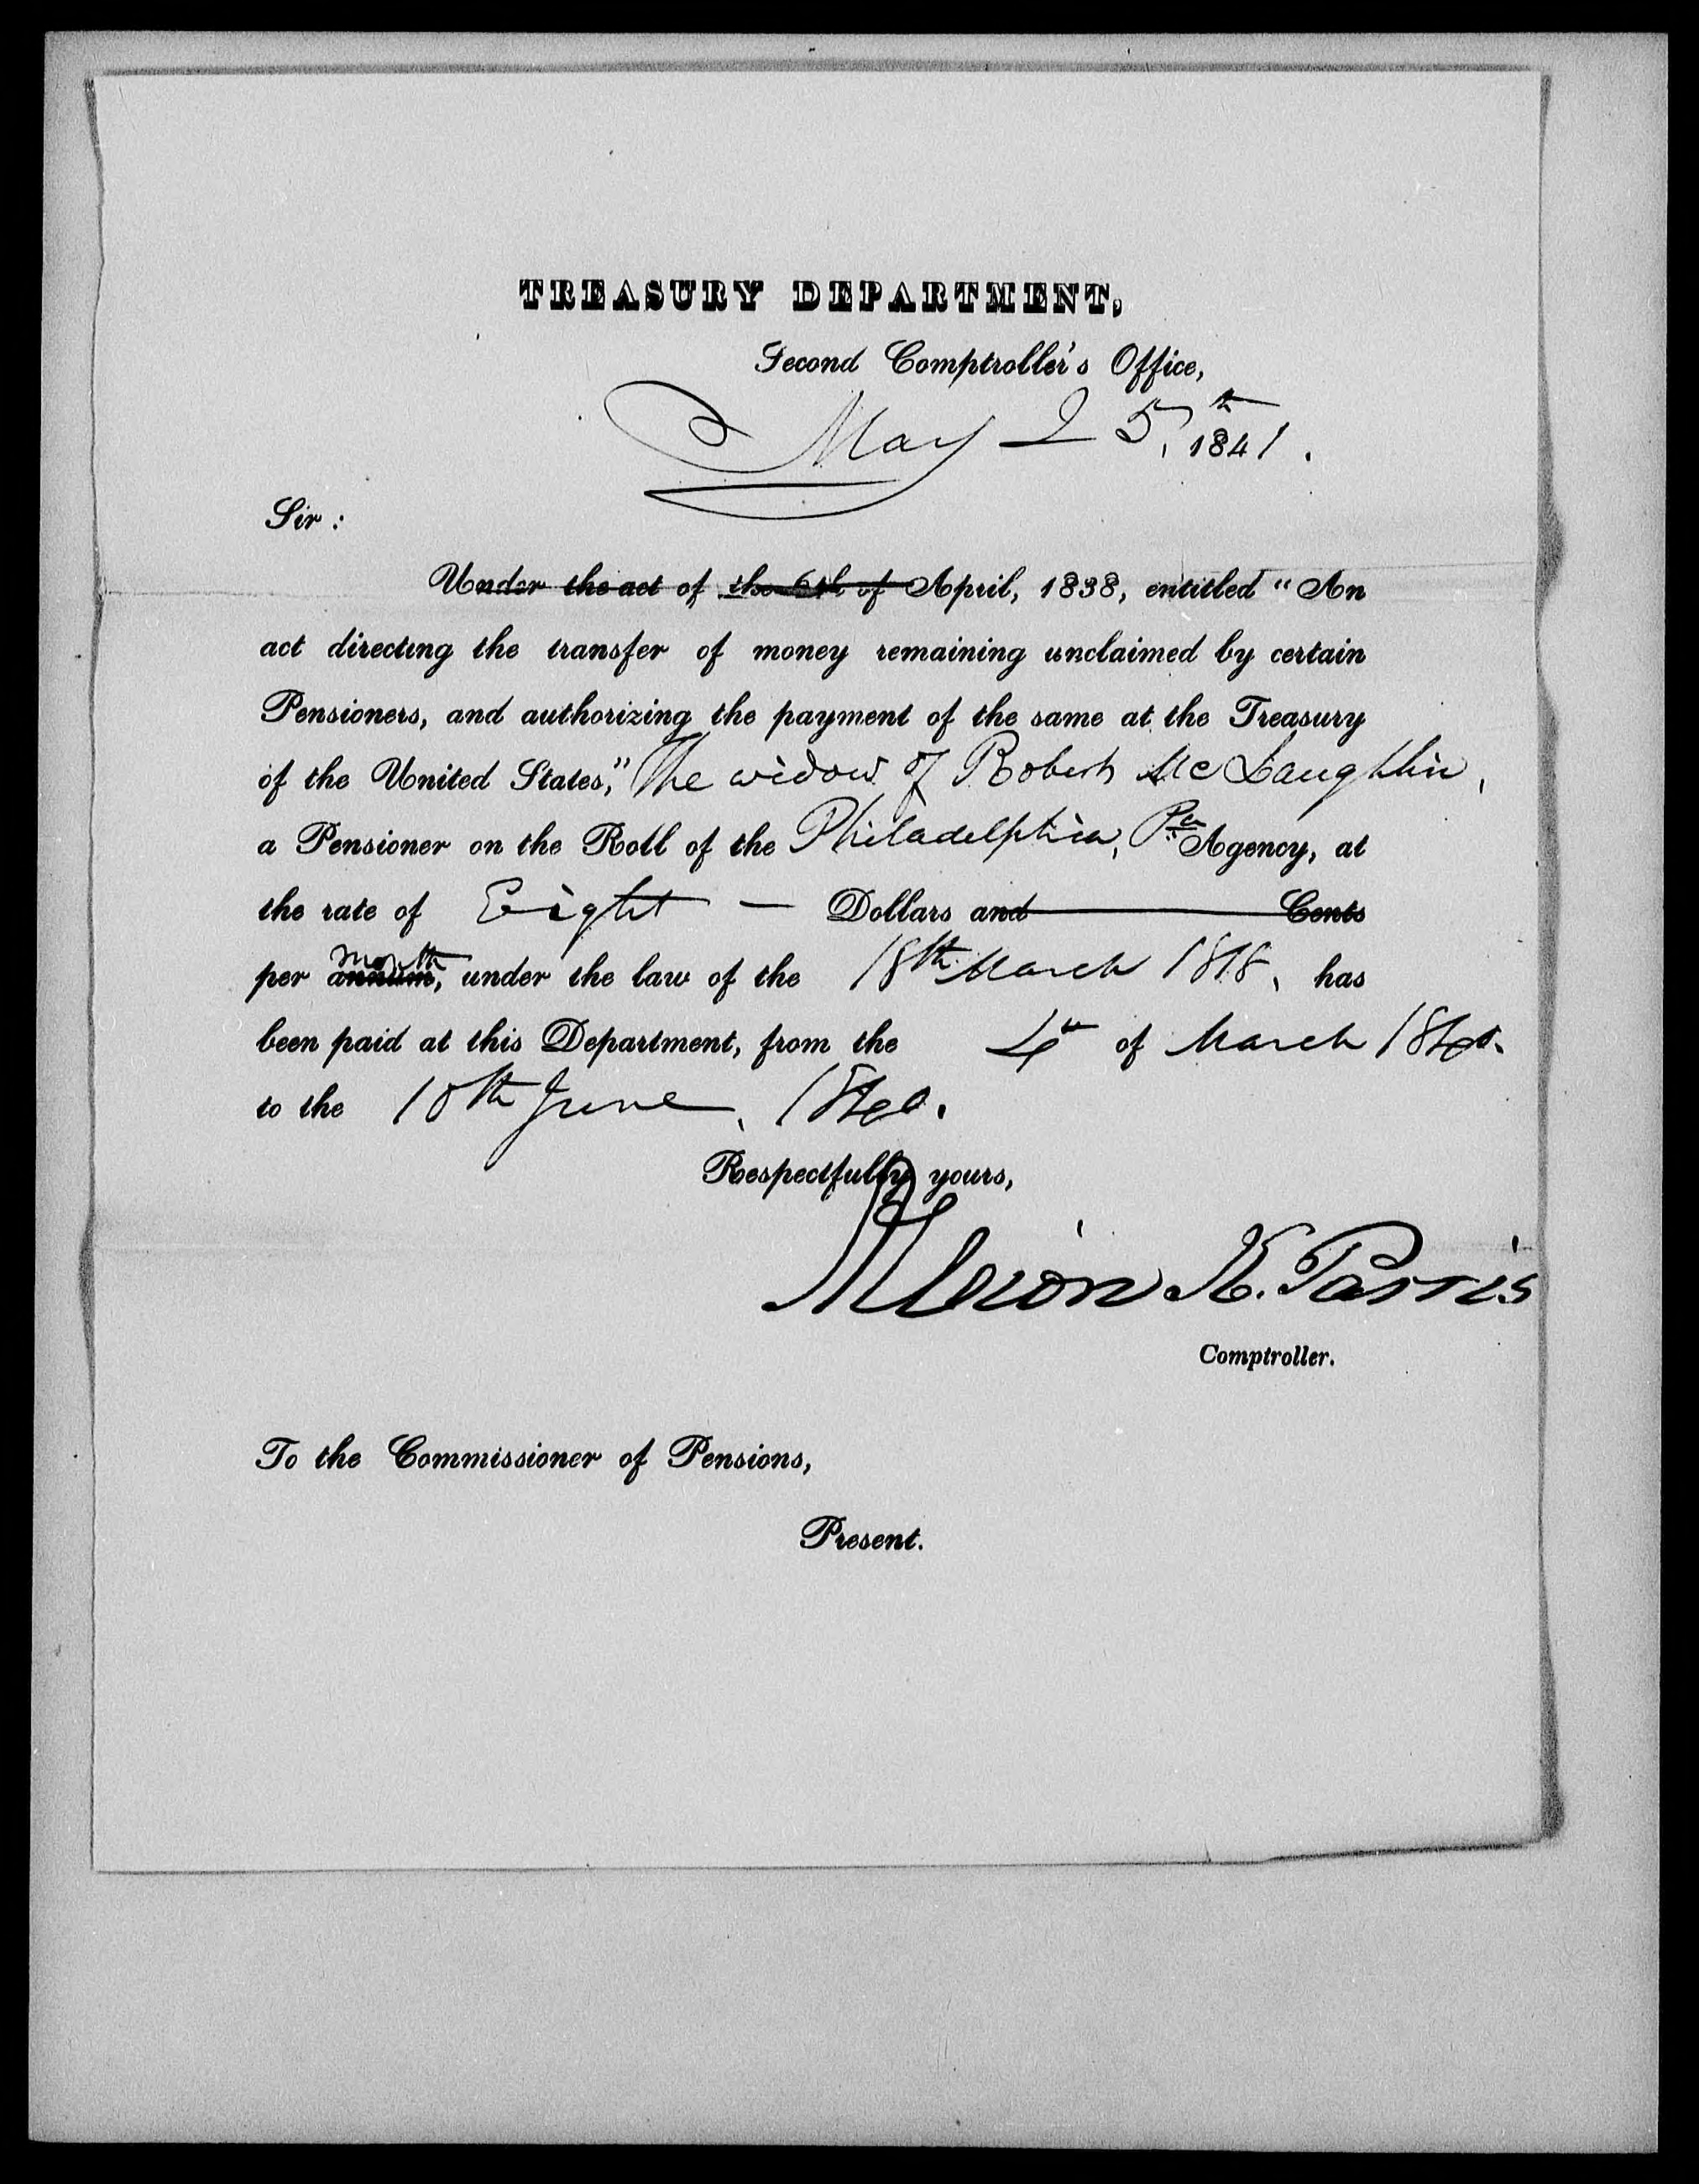TREASURY DEPARTMENT
Second Comptroller's Office

May 25, 1841

Sir:

Under the act of the 6th of April, 1838, entitled "An act directing the transfer of money remaining unclaimed by certain Pensioners, and authorizing the payment of the same at the Treasury of the United States" The widow of Robert McLaughlin,  a Pensioner on the Roll of the Philadelphia Pa Agency, at the rate of Eight  Dollars and no Cents per month, under the law of the 18th March 1818, has been paid at this Department, from the 4th of March 1840 to the 10th June 1840.

Respectfully, yours 

Albion K. Parris 
Comptroller

To the Commissioner of Pensions,

Present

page: 5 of 19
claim: survivor's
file: S. 40,146, for Robert Mc Laughlin, Pennsylvania